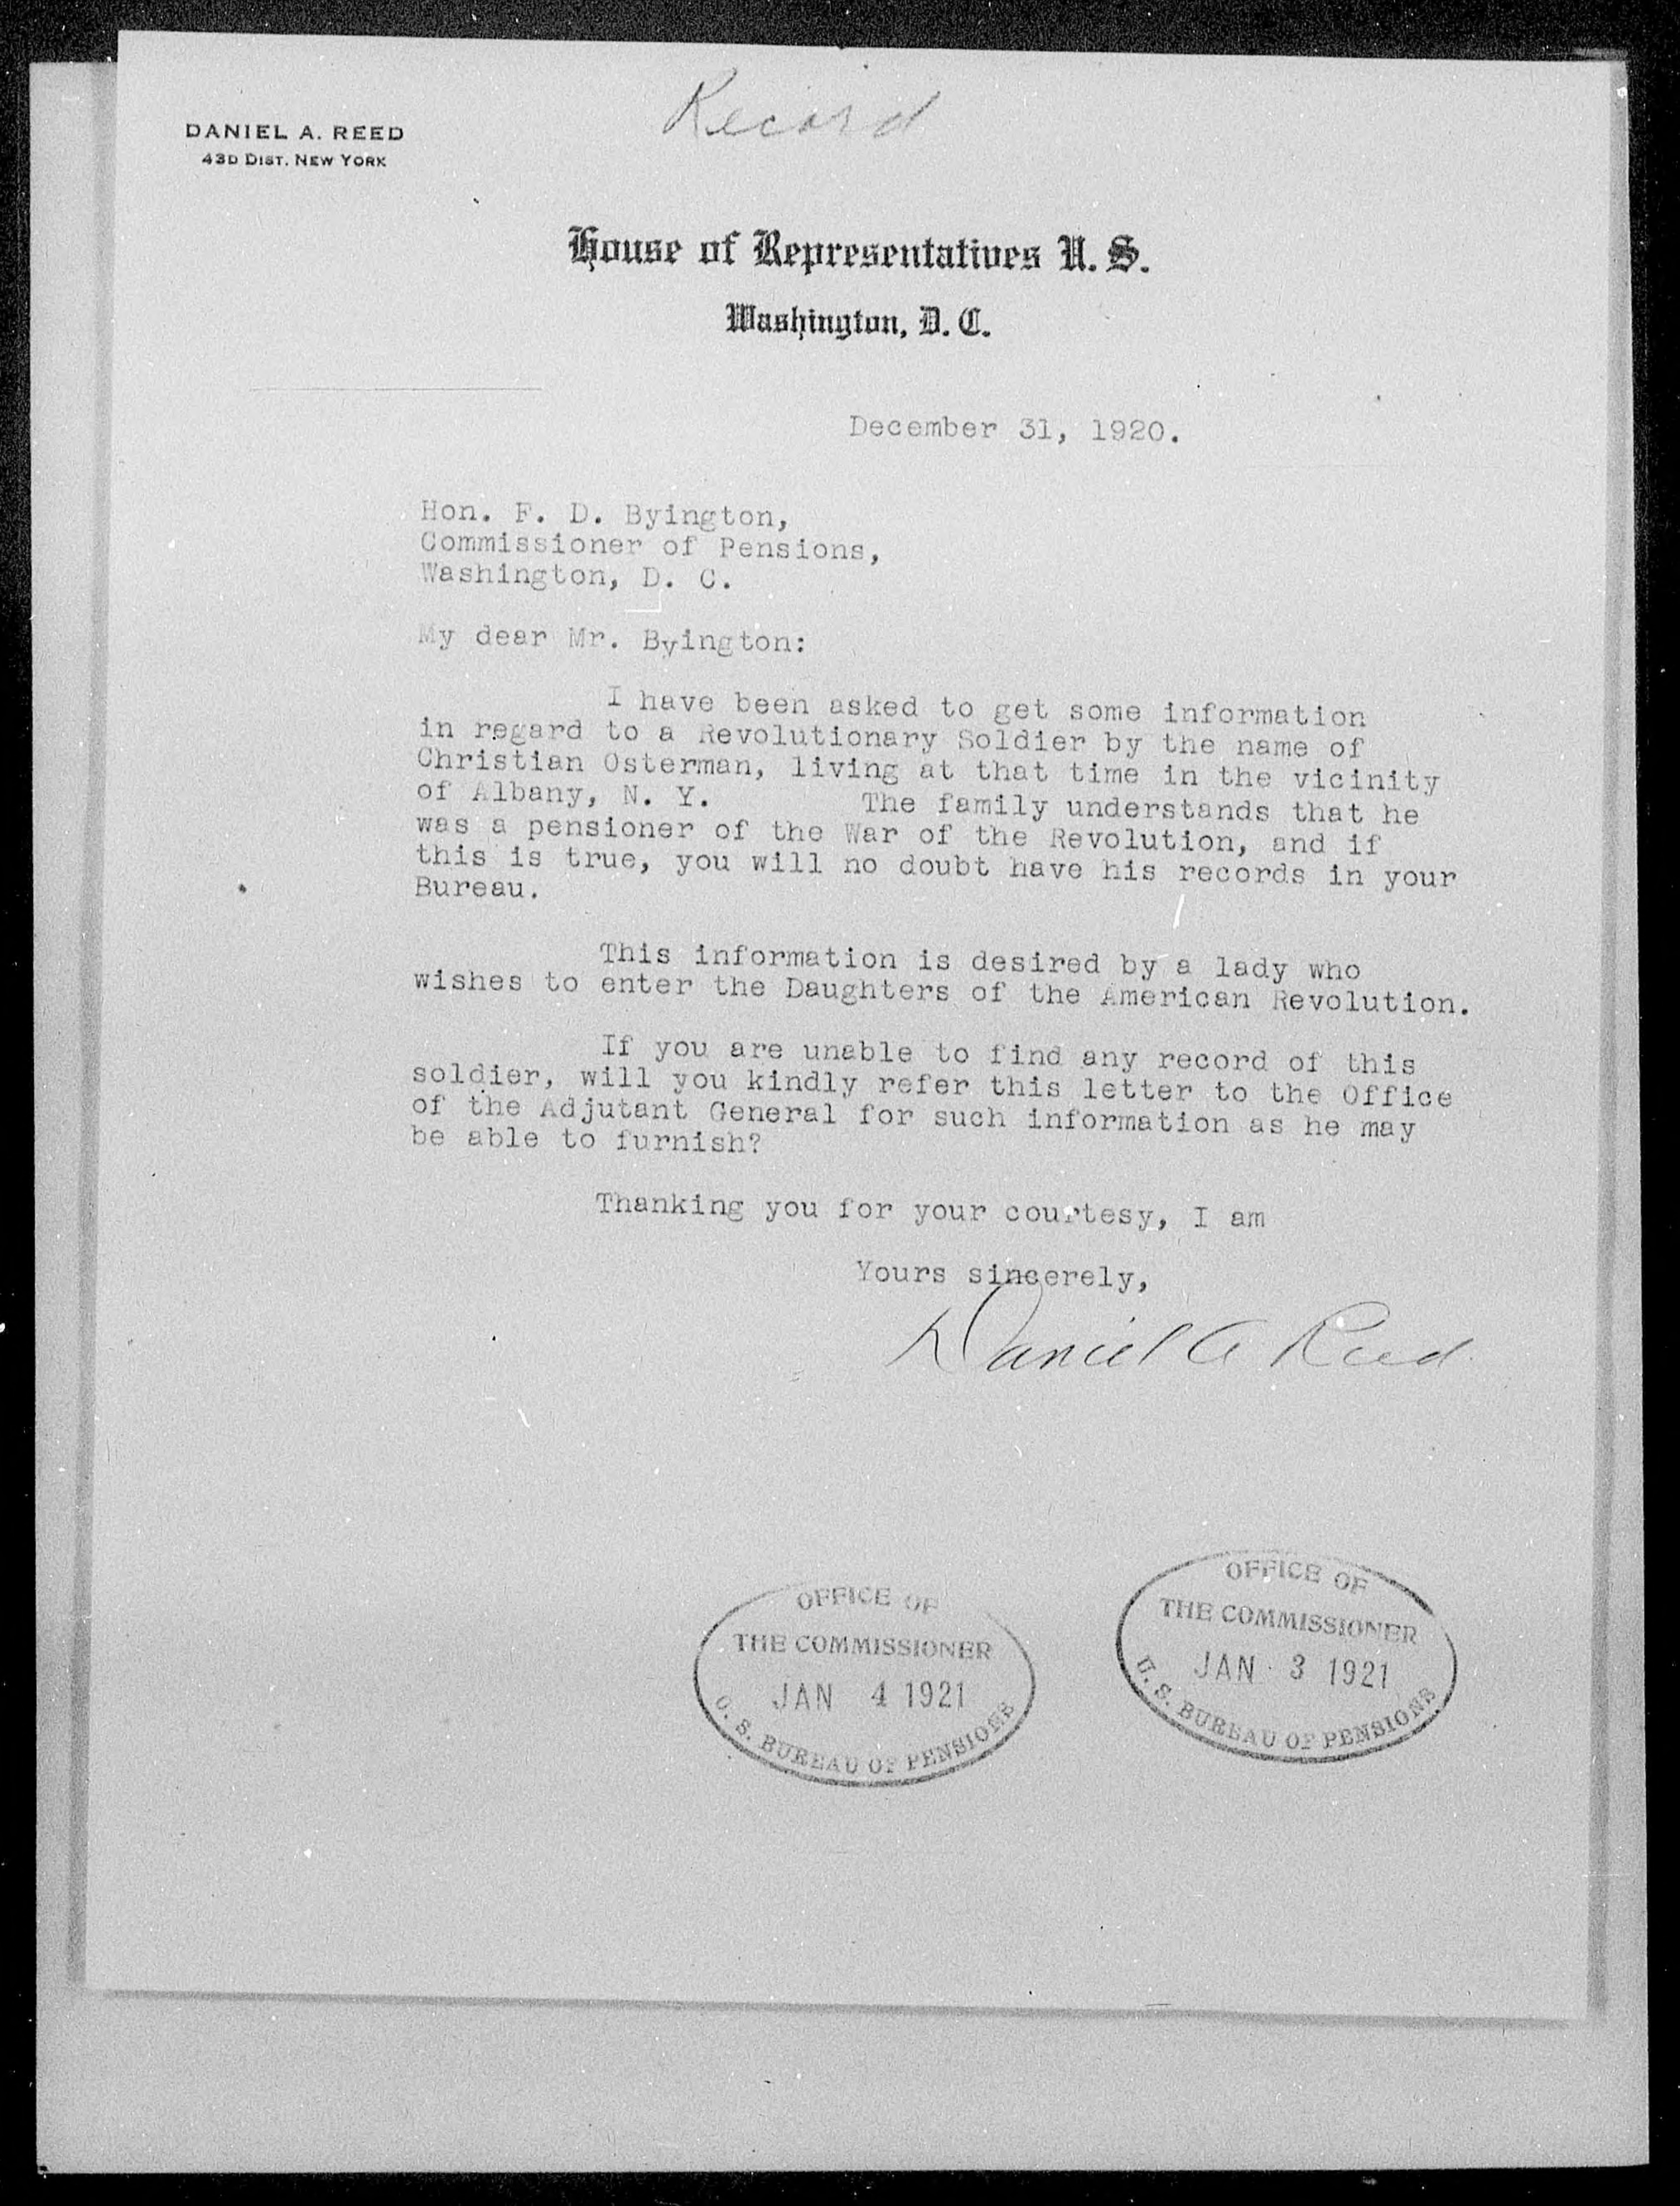Record

Daniel A. Reed
43D Dist. New York 

House of Representatives U.S. 
Washington, D.C. 

December 31, 1920 

Hon. F.D. Byington, 
Commissioner of Pensions, 
Washington, D.C.

My dear Mr. Byington, 
I have been asked to get some information in regard to a Revolutionary Soldier by the name of Christian Osterman, living at that time in the vicinity of Albany, N.Y. The family understands that he was a pensioner of the War of the Revolution, and if this is true, you will no doubt have his records in your Bureau.
This information is desired by a lady who wishes to enter the Daughters of the American Revolution. 
If you are unable to find any record of this soldier, will you kindly refer this letter to the Office of the Adjutant General for such information as he may be able to furnish?
Thanking you for your courtesy, I am
Yours sincerely, 
Daniel A. Reed 

Office of The Commissioner
Jan 4 1921
U.S. Bureau of Pensions

Office of The Commissioner
Jan 3 1921
U.S. Bureau of Pensions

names: Daniel A Reed; F D Byington; Christian Osterman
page: 38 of 40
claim: widow's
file: W. 21876, for Christian Osterman, New York